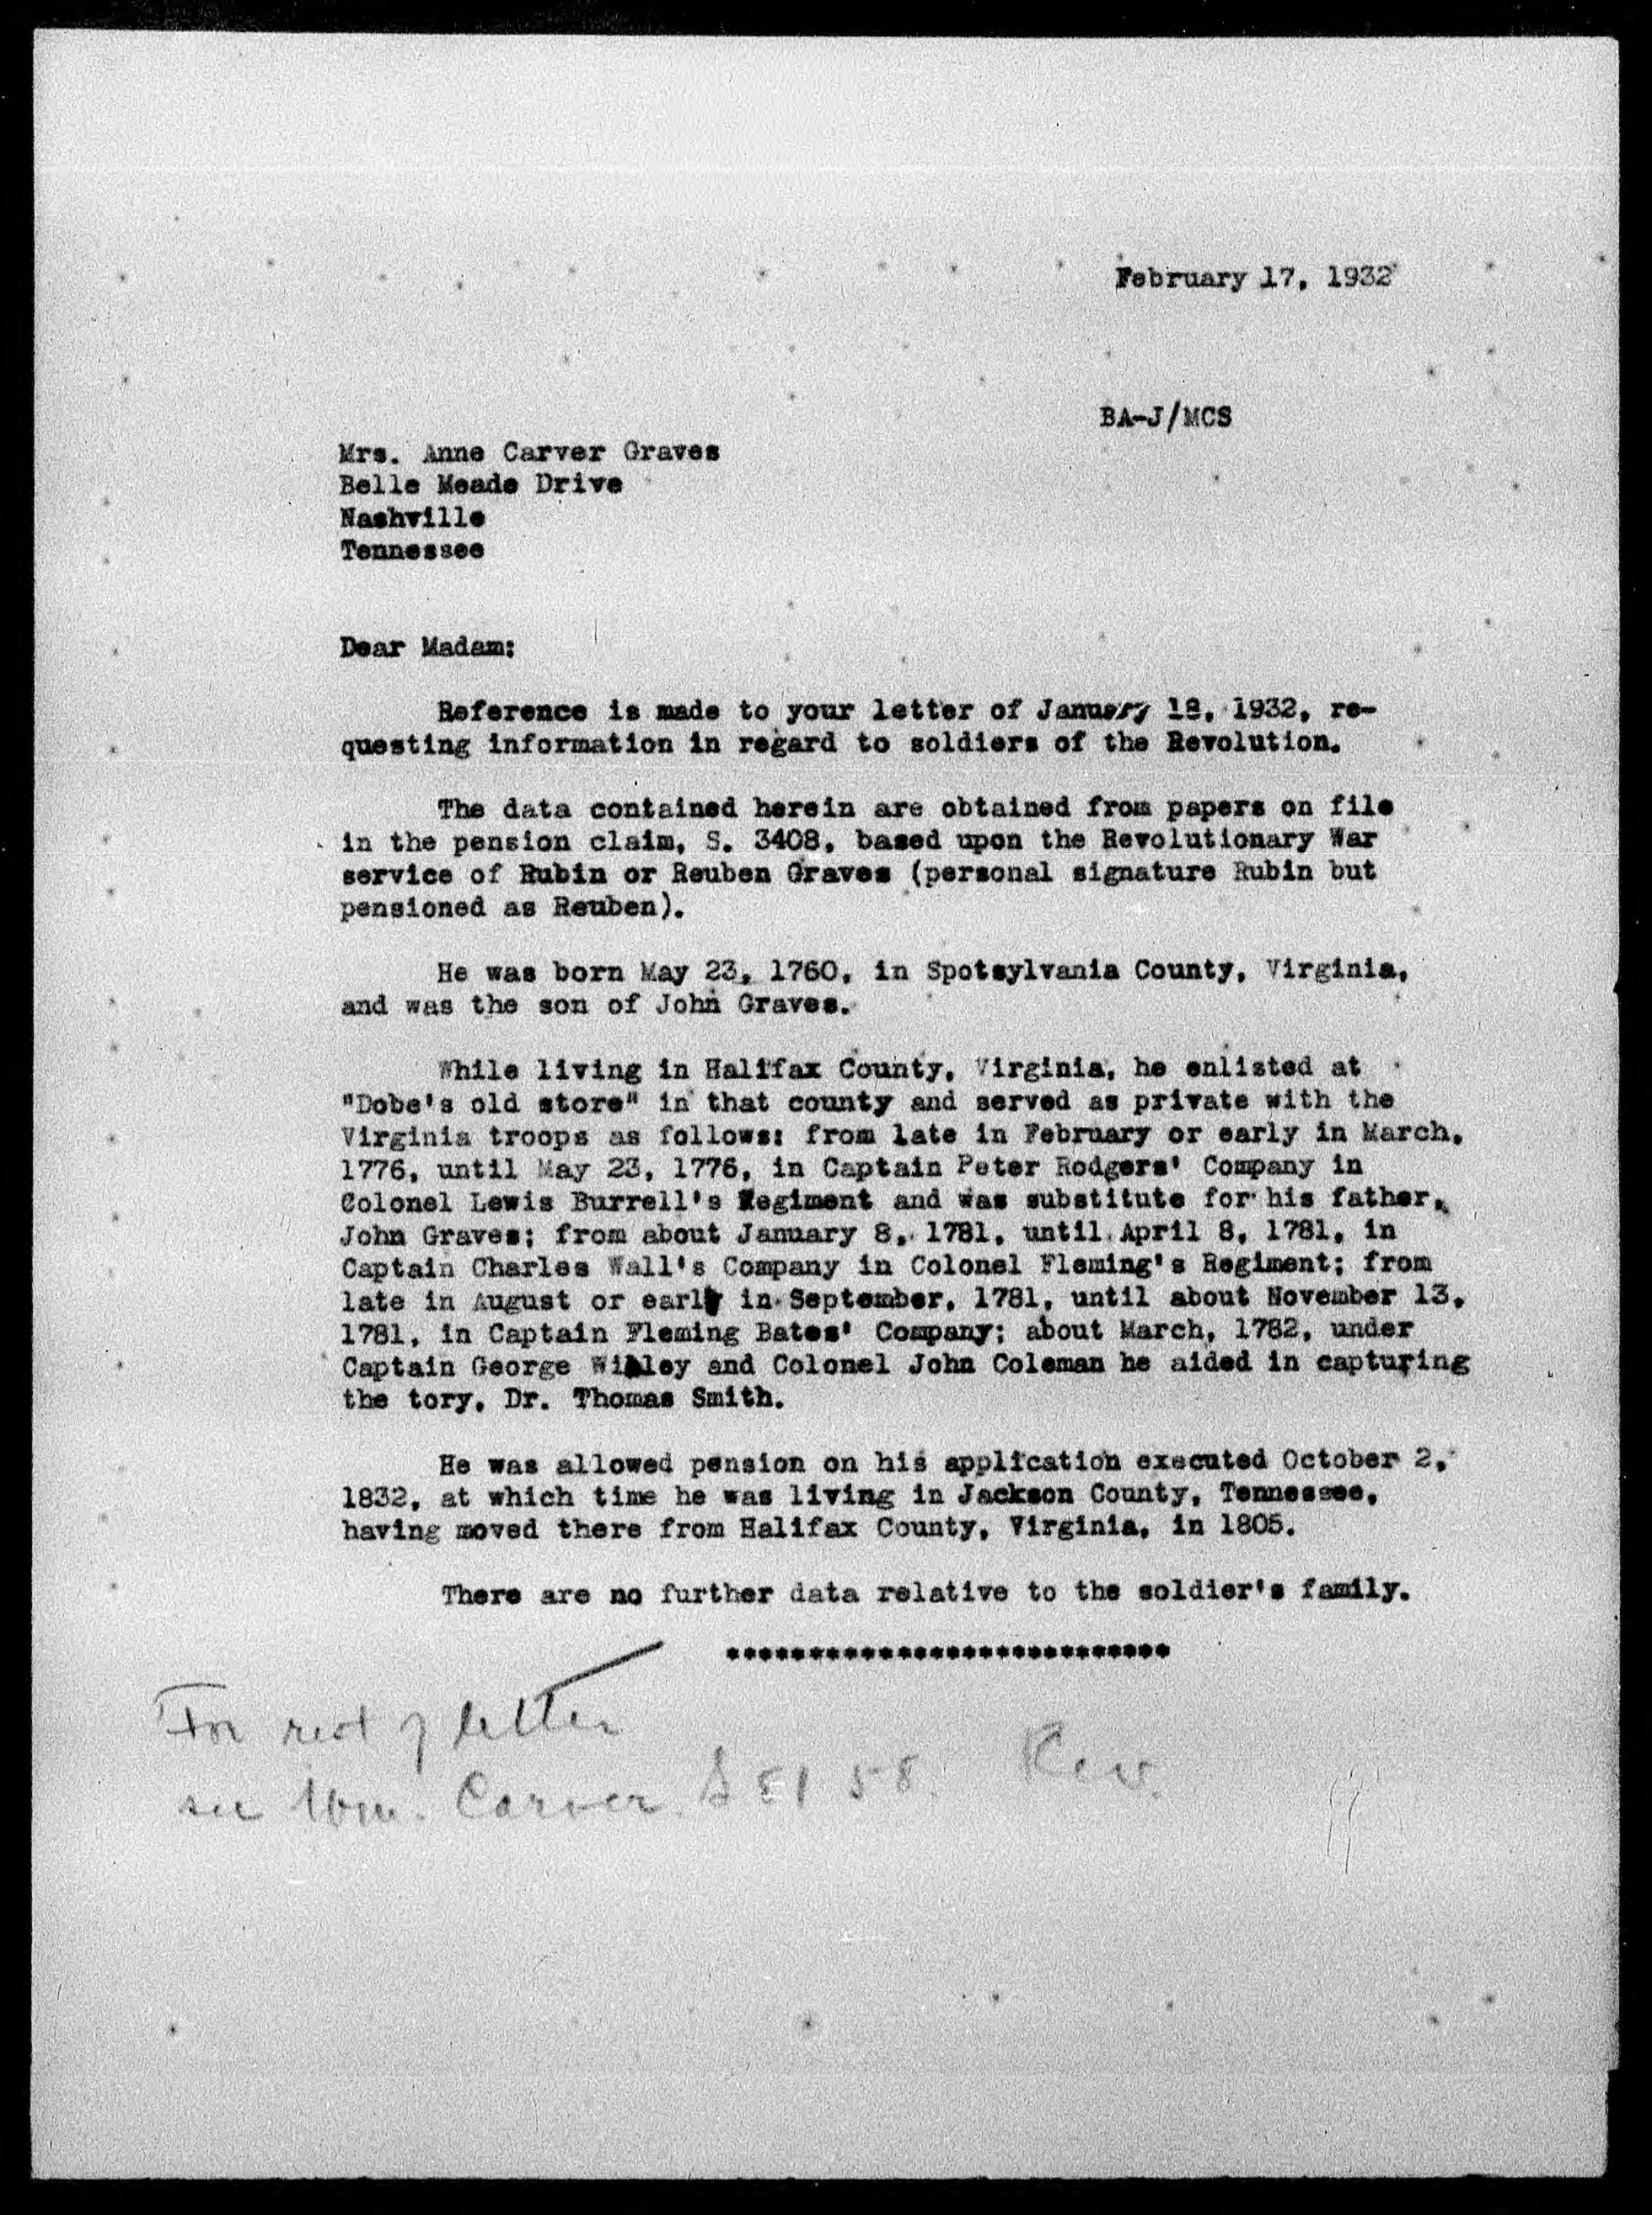February 17, 1932

BA-J/MCS


Mrs. Anne Carver Graves
Belle Mead Drive
Nashville
Tennessee

Dear Madam:

Reference is made to your letter of January 18, 1932, requesting information in regard to soldiers of the Revolution.

The data contained herein are obtained from papers on file in the pension claim, S. 3408, based upon the Revolutionary War service of Rubin or Reuben Graves (personal signature Rubin but pensioned as Reuben.)

He was born May 23, 1760, in Spotsylvania County, Virginia, and was the son of John Graves.

While living in Halifax County, Virginia, he enlisted at "Dobe's old store", in that county and served as private with the Virginia troops as follows: from late in February or early in March, 1776, until May 23, 1776 in Captain Peter Rodgers' Company in Colonel Lewis Burrell's Regiment and was substitute for his father John Graves; from about January 8, 1781, until April 8, 1781, in Captain Charles Wall's Company in Colonel Fleming's Regiment; from late in August or early in September, 1781, until about November 13, 1781, in Captain Fleming Bates' Company; about March 1782, under Captain George Willey and Colonel John Coleman he aided in capturing the Tory, Dr. Thomas Smith.

He was allowed pension on his application executed October 2, 1832, at which time he was living in Jackson County, Tennessee, having moved there from Halifax County, Virginia in 1805.

There are no further data relative to the soldier's family.

For rest of letter
see Abm. Carver S. 8158 
Rev.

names: Anne Carver Graves, Wm Carver, Rubin, John Coleman, George Willey, Reuben, Rubin Graves, Thomas Smith, John Graves, Reuben Graves, John Graves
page: 17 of 22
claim: survivor's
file: S. 3408, Reuben Graves, Va.